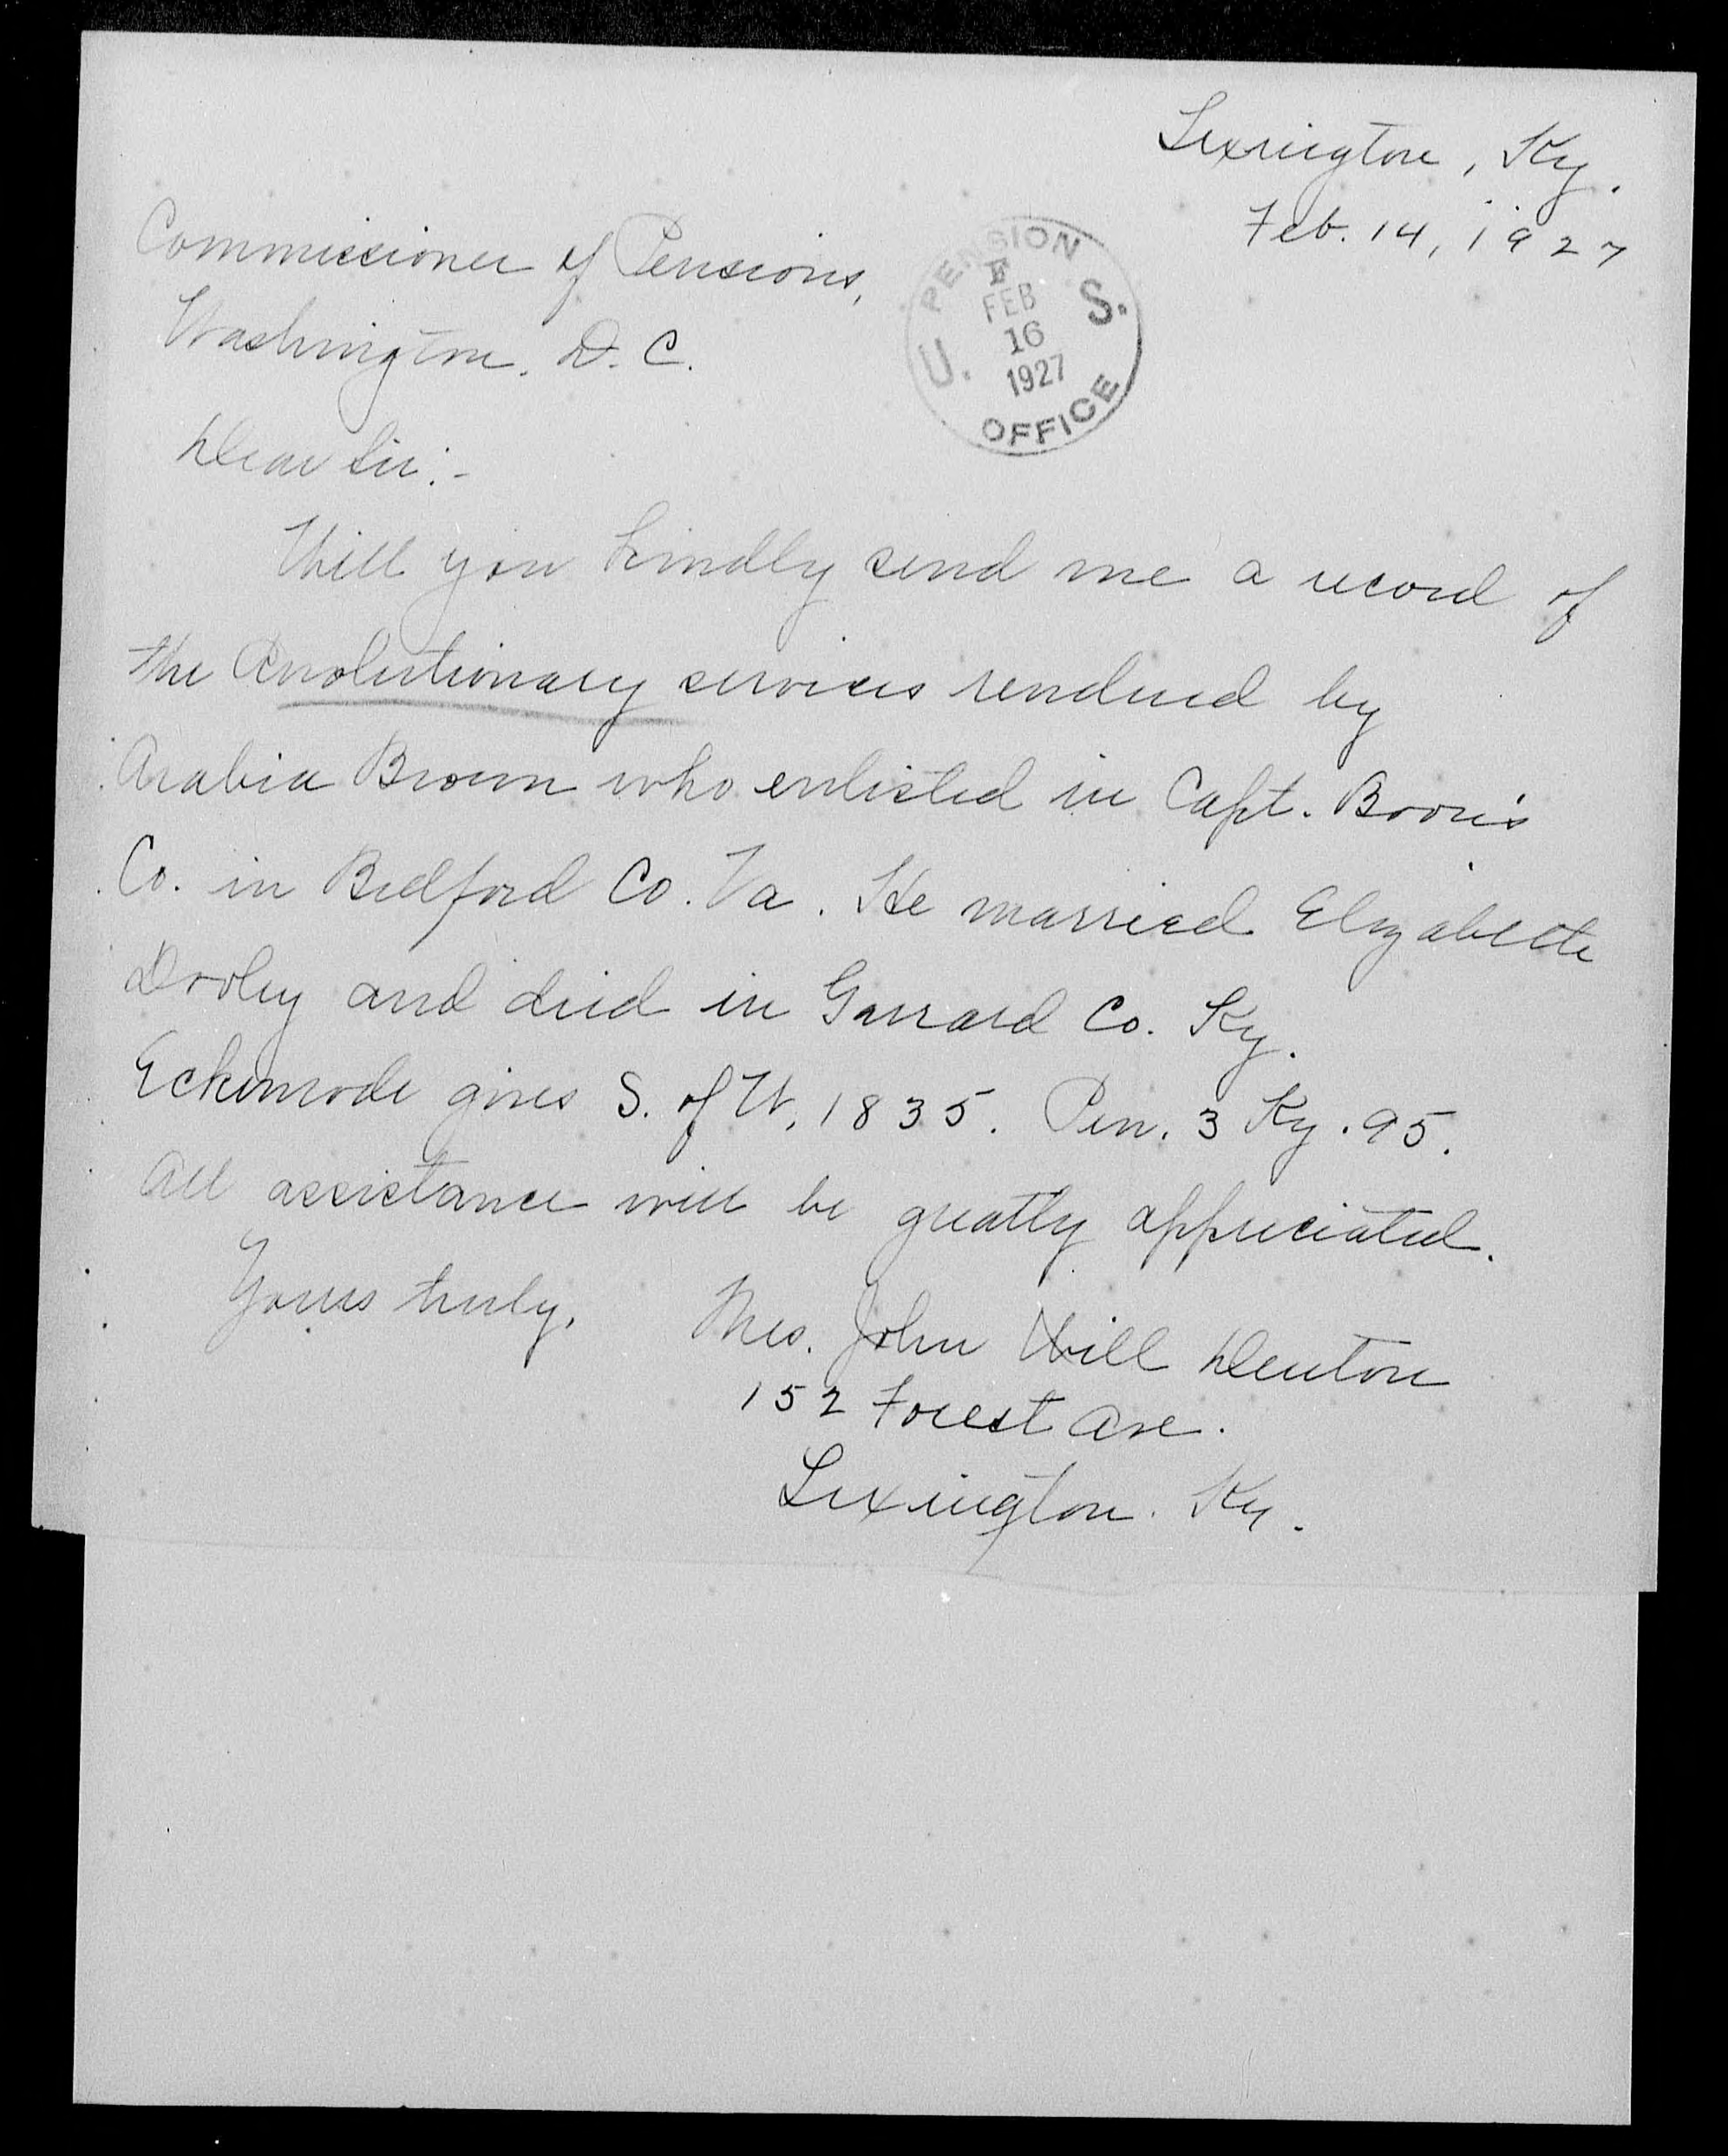Lexington, Ky
Feb. 14, 1927

Commissioner of Pensions
Washington D.C.

STAMP: US Pension Office F Feb 16 1927

Dear Sir,

Will you kindly send me a record of
the Revolutionary services rendered by
Arabia Brown who enlisted in Cape. Boone's
Co. in Bidford Co VA.  He married Elizabeth
Dooley and died in Garrard Co. Ky.
Echimide gives S of U, 1835. Pin 3 Ky 95
All assistance will be greatly appreciated.
Yours truly,
Mrs. John Hill Denton
152 Forest Ave.
Lexington, Ky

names: Arabia Brown, John Will Denton, Elizabeth Dooley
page: 24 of 65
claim: widow's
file: W. 8384, Arabia Brown, Va.